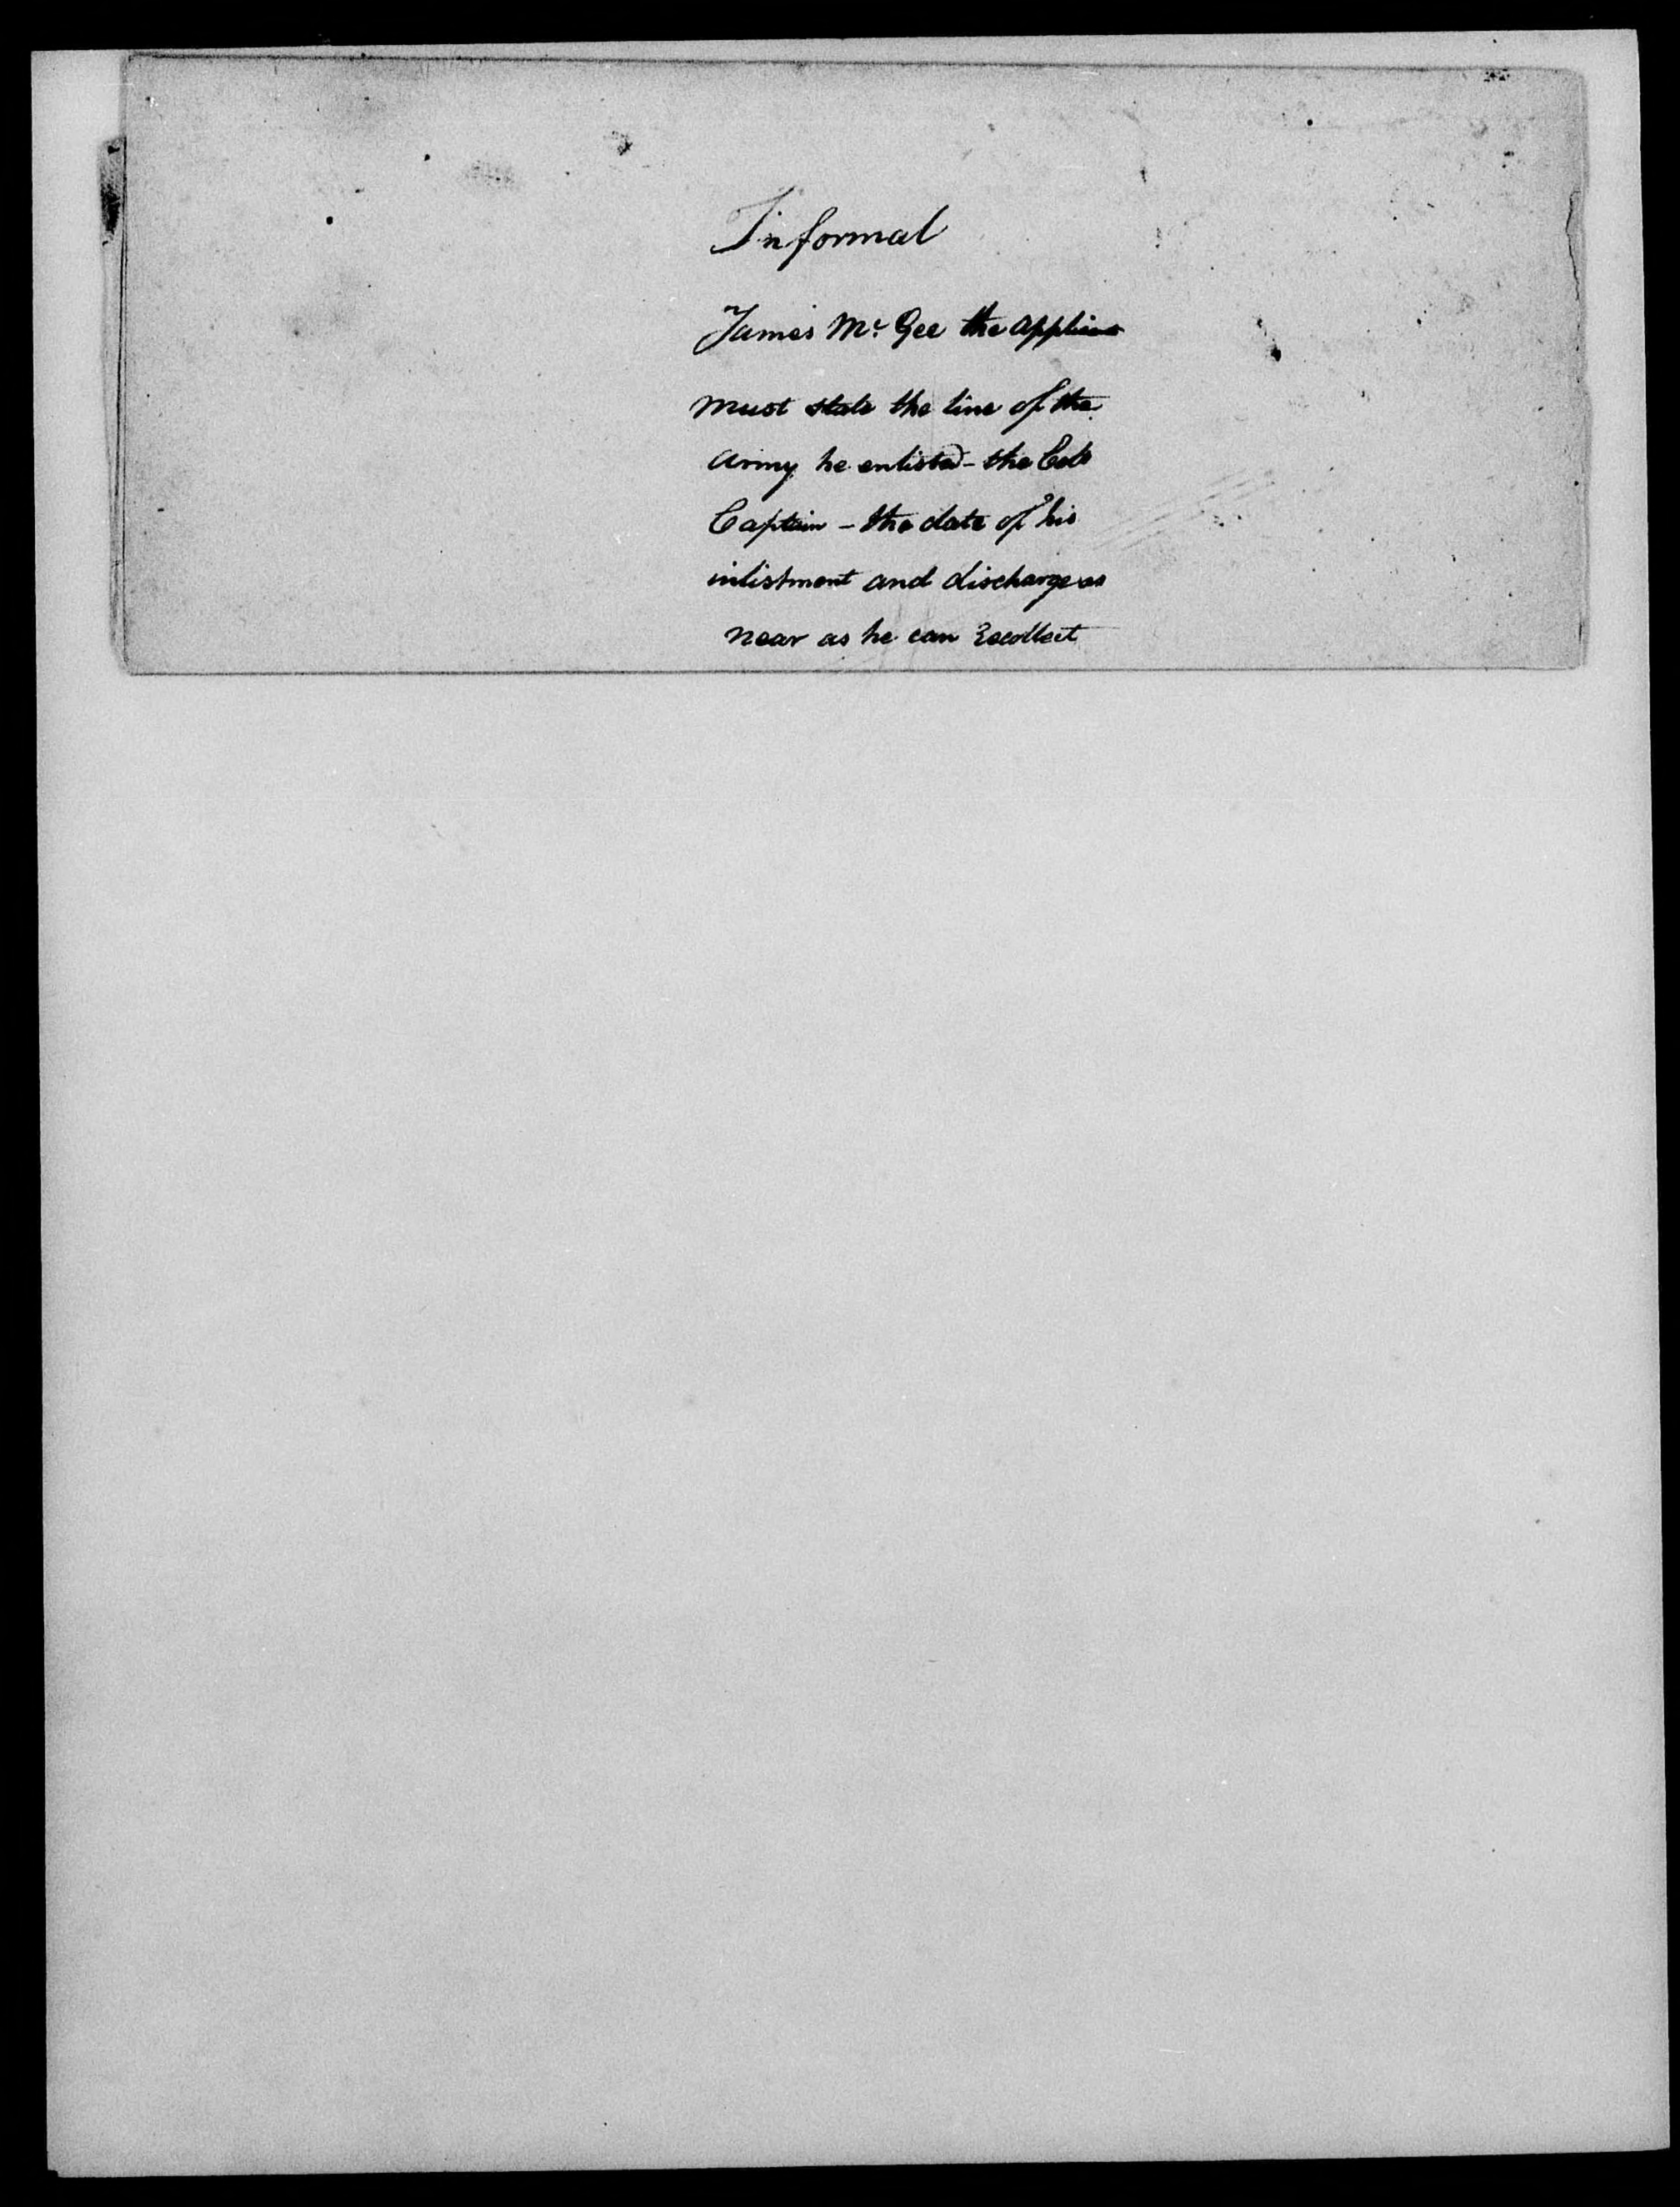Informal
James McGee the applicant
must state the line of the
Army he enlisted--the [illegible]
Captain-- the date of his
inlistment and discharges
near as he can recollect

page: 51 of 77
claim: widow's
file: W 2954, for James Mc Gee, Delaware